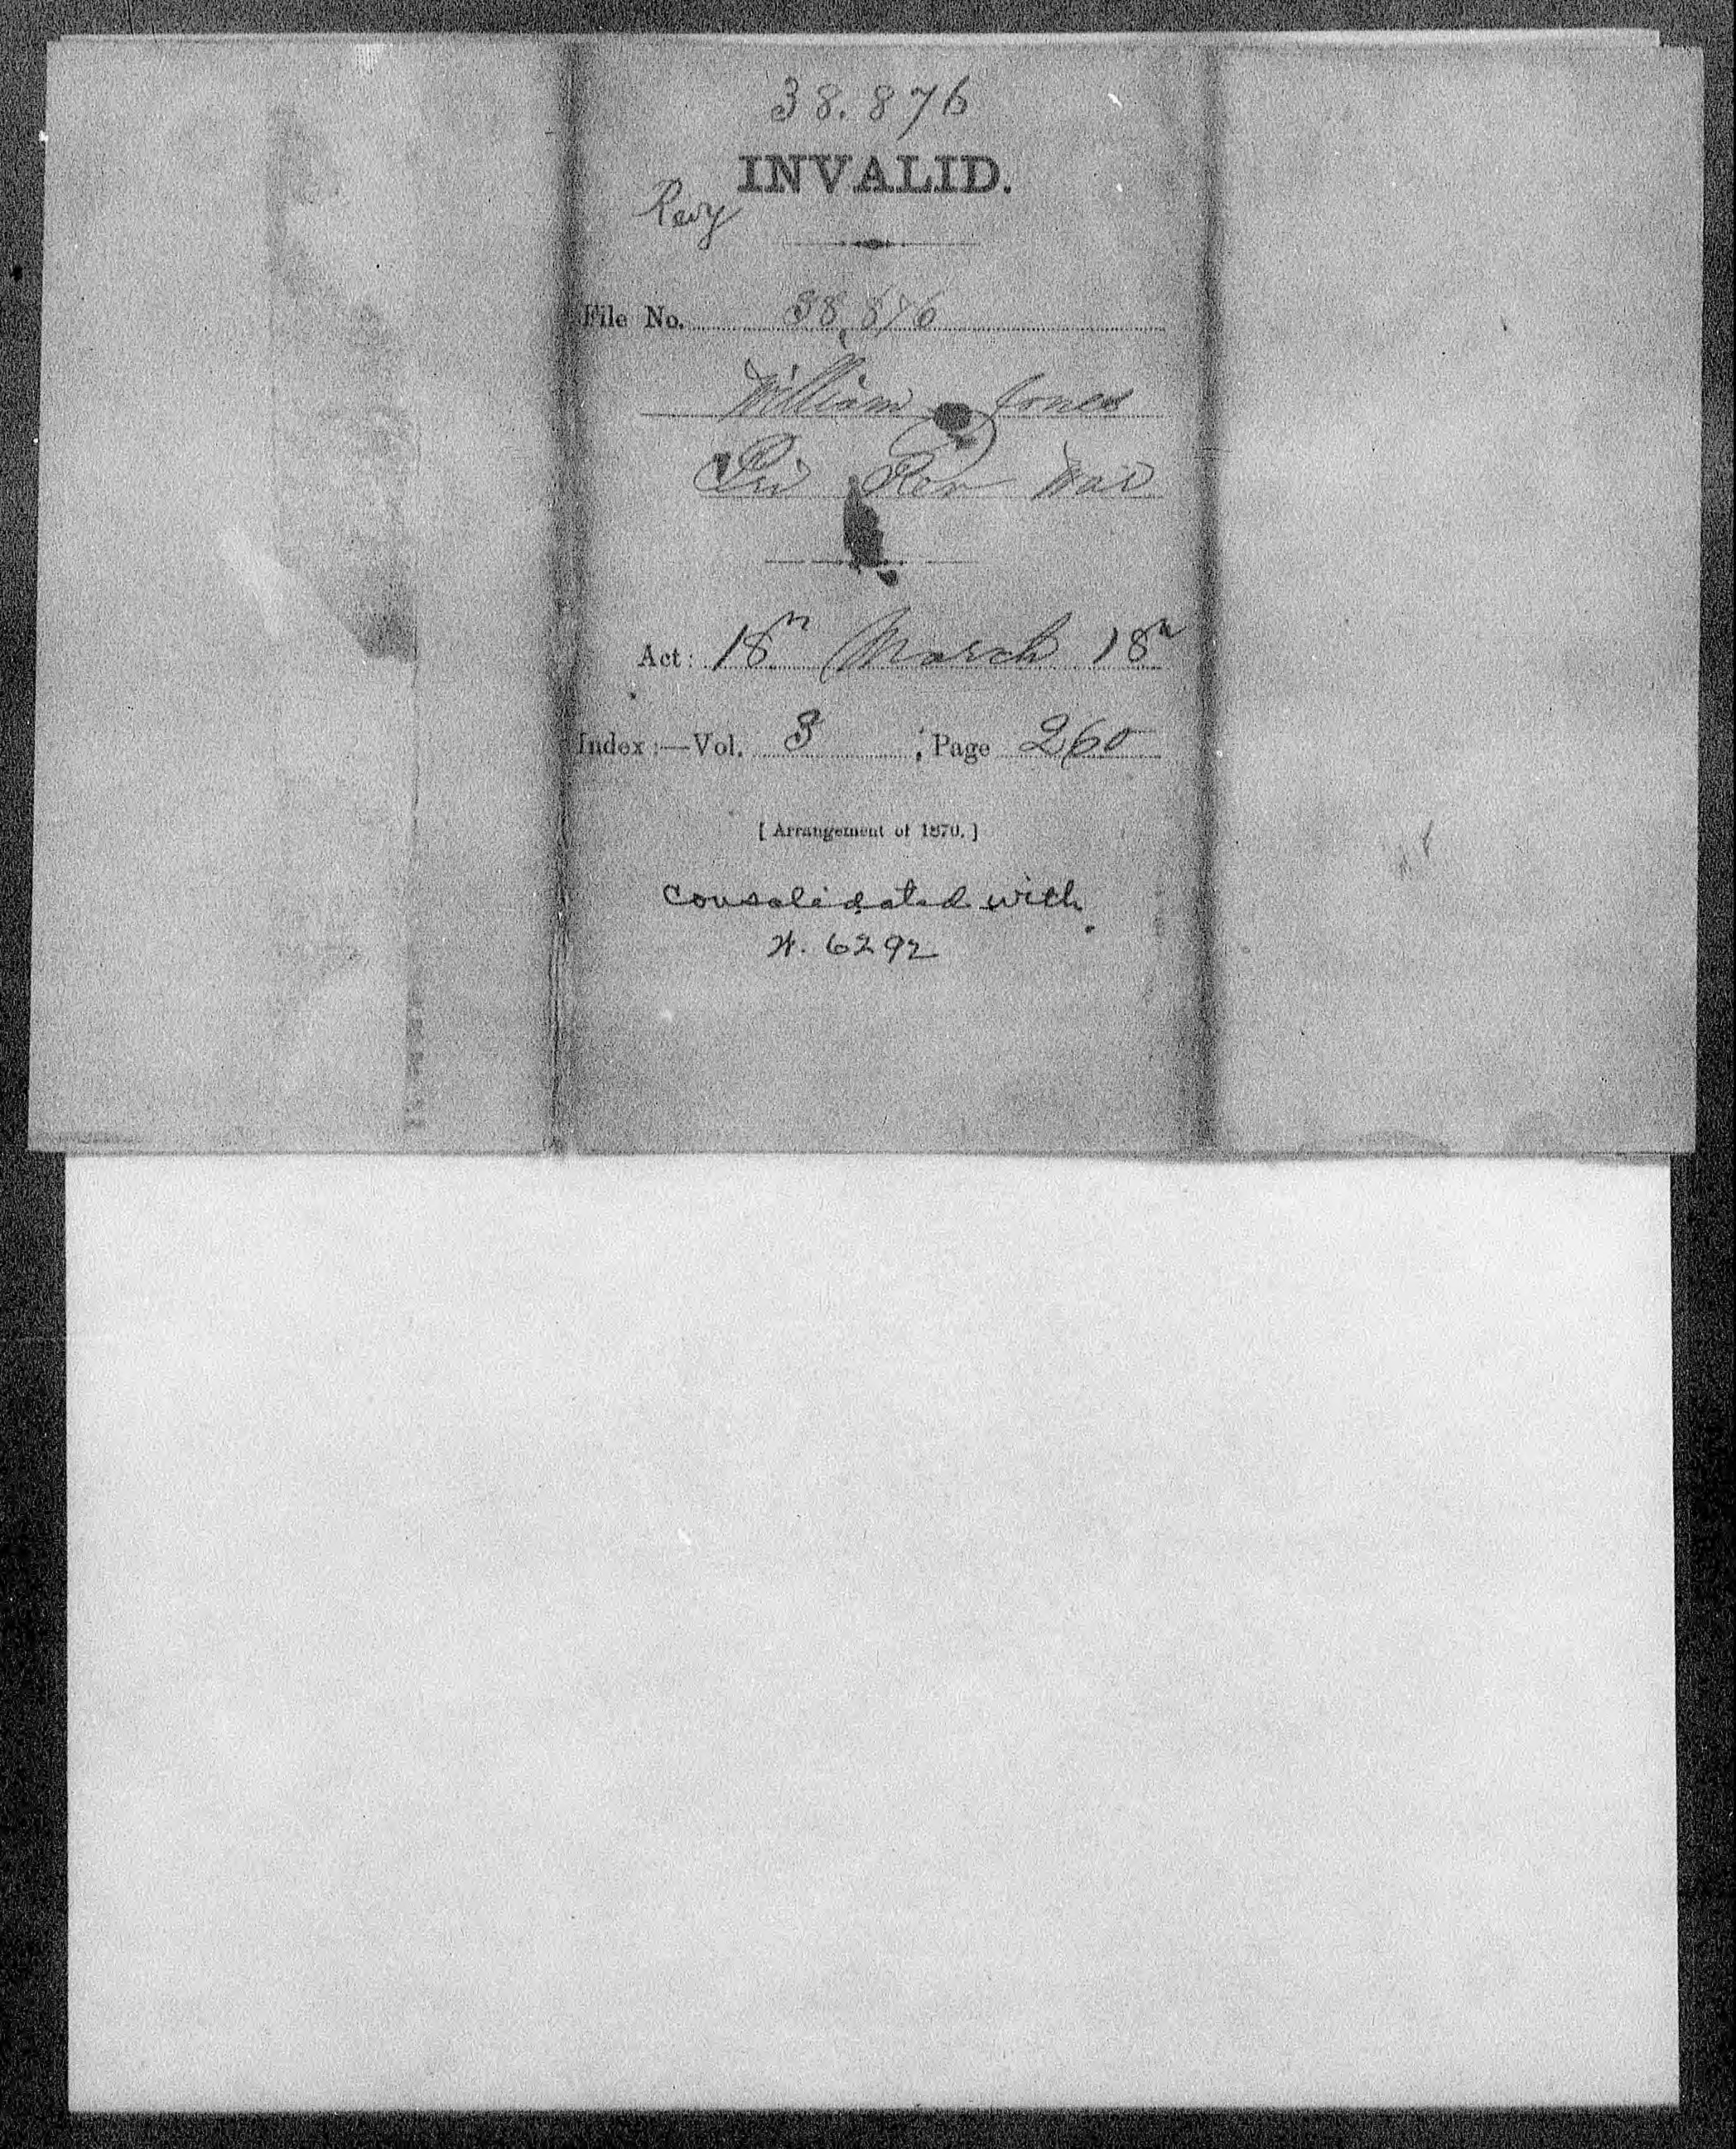38.876
INVALID.
Revy

File No. 38876
William Jones
Pri  Rev War

Act: 18th March 18
Index: -- Vol. 3, Page 260

[Arrangement of 1870.]
consolidated with W. 6292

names: William Jones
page: 26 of 39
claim: widow's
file: W 6292, for William Jones, Maryland